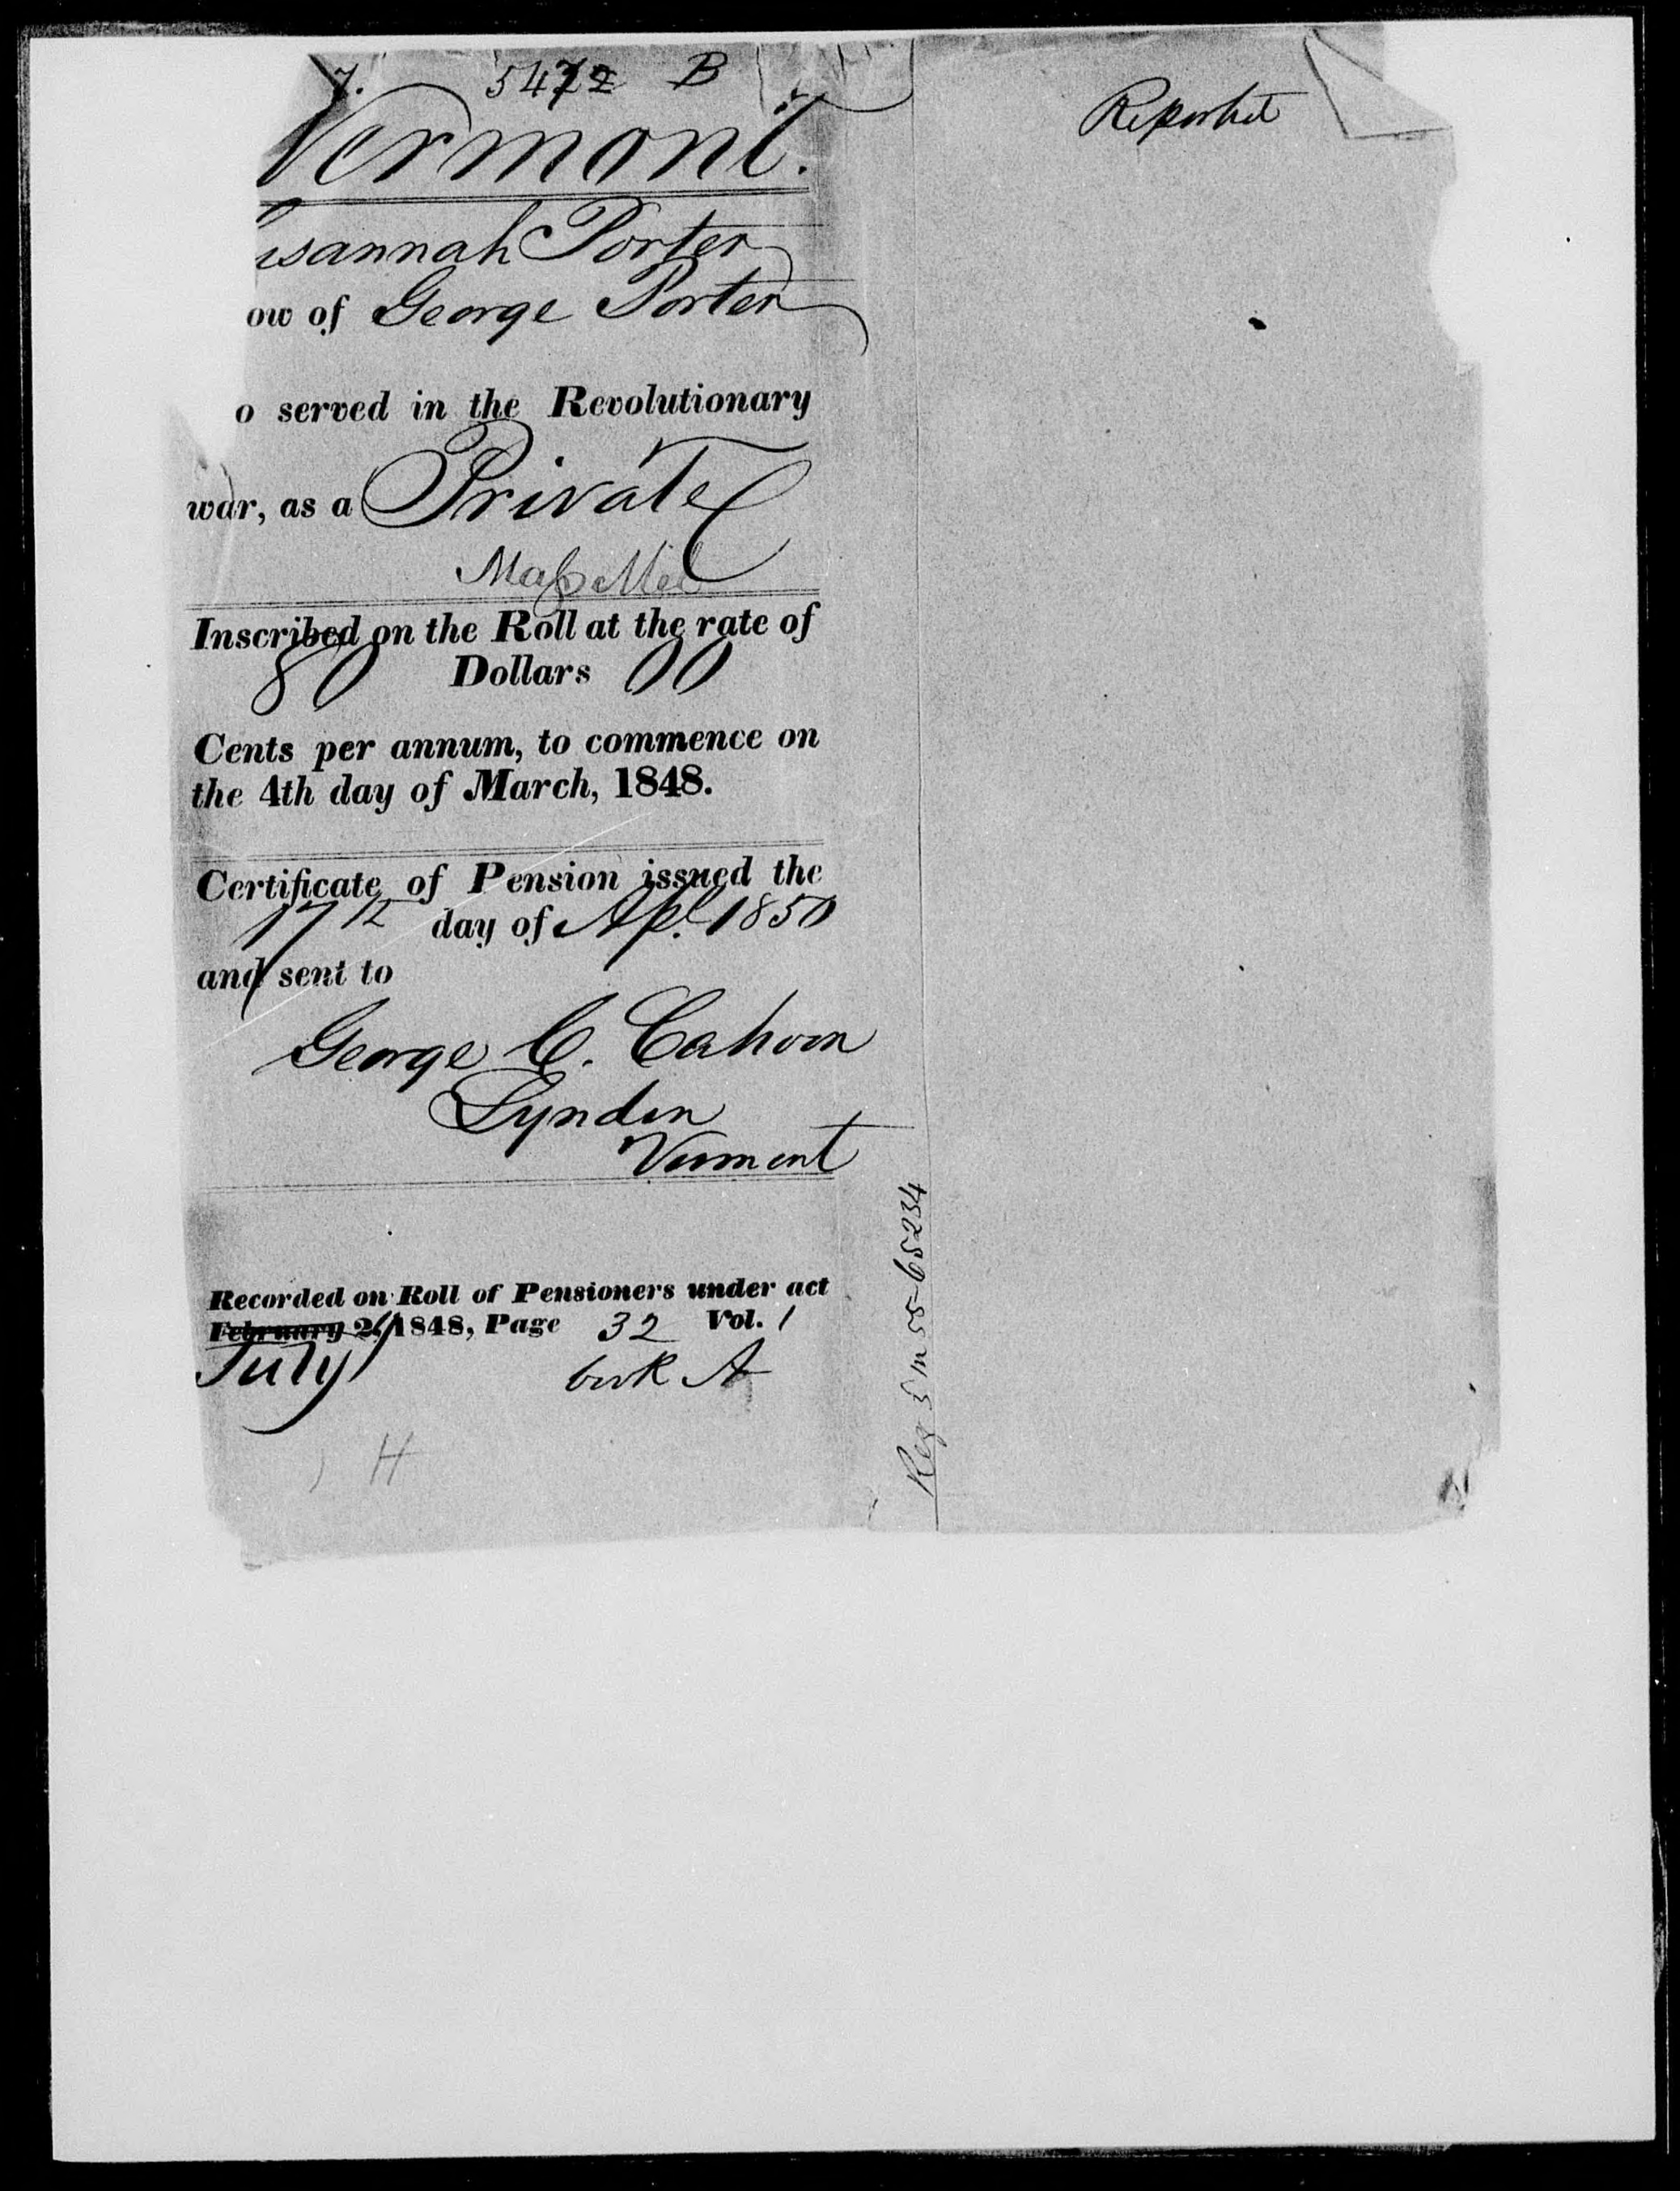7.  5472  B
Vermont

Susannah Porter
widow of George Porter who served in the Revolutionary war as a Private Mass Mil

Inscribed on the Roll at the rate of 80 Dollars 00 Cents per annum, to commence on the 4th day of March, 1848.

Certificate of Pension issued the 17th day of Apl. 1850 and sent to George C. Cahoon Lynden [Lyndon] Vermont

Recorded on Roll of Pensioners under act [crossed out February] July 24 1848, Page 32 Vol.1 book A

H
Reg 5 m 55-65234

Reported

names: George Porter; Susannah Porter; George C Cahoon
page: 7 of 49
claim: widow's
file: W. 2164, for George Porter, Massachusetts